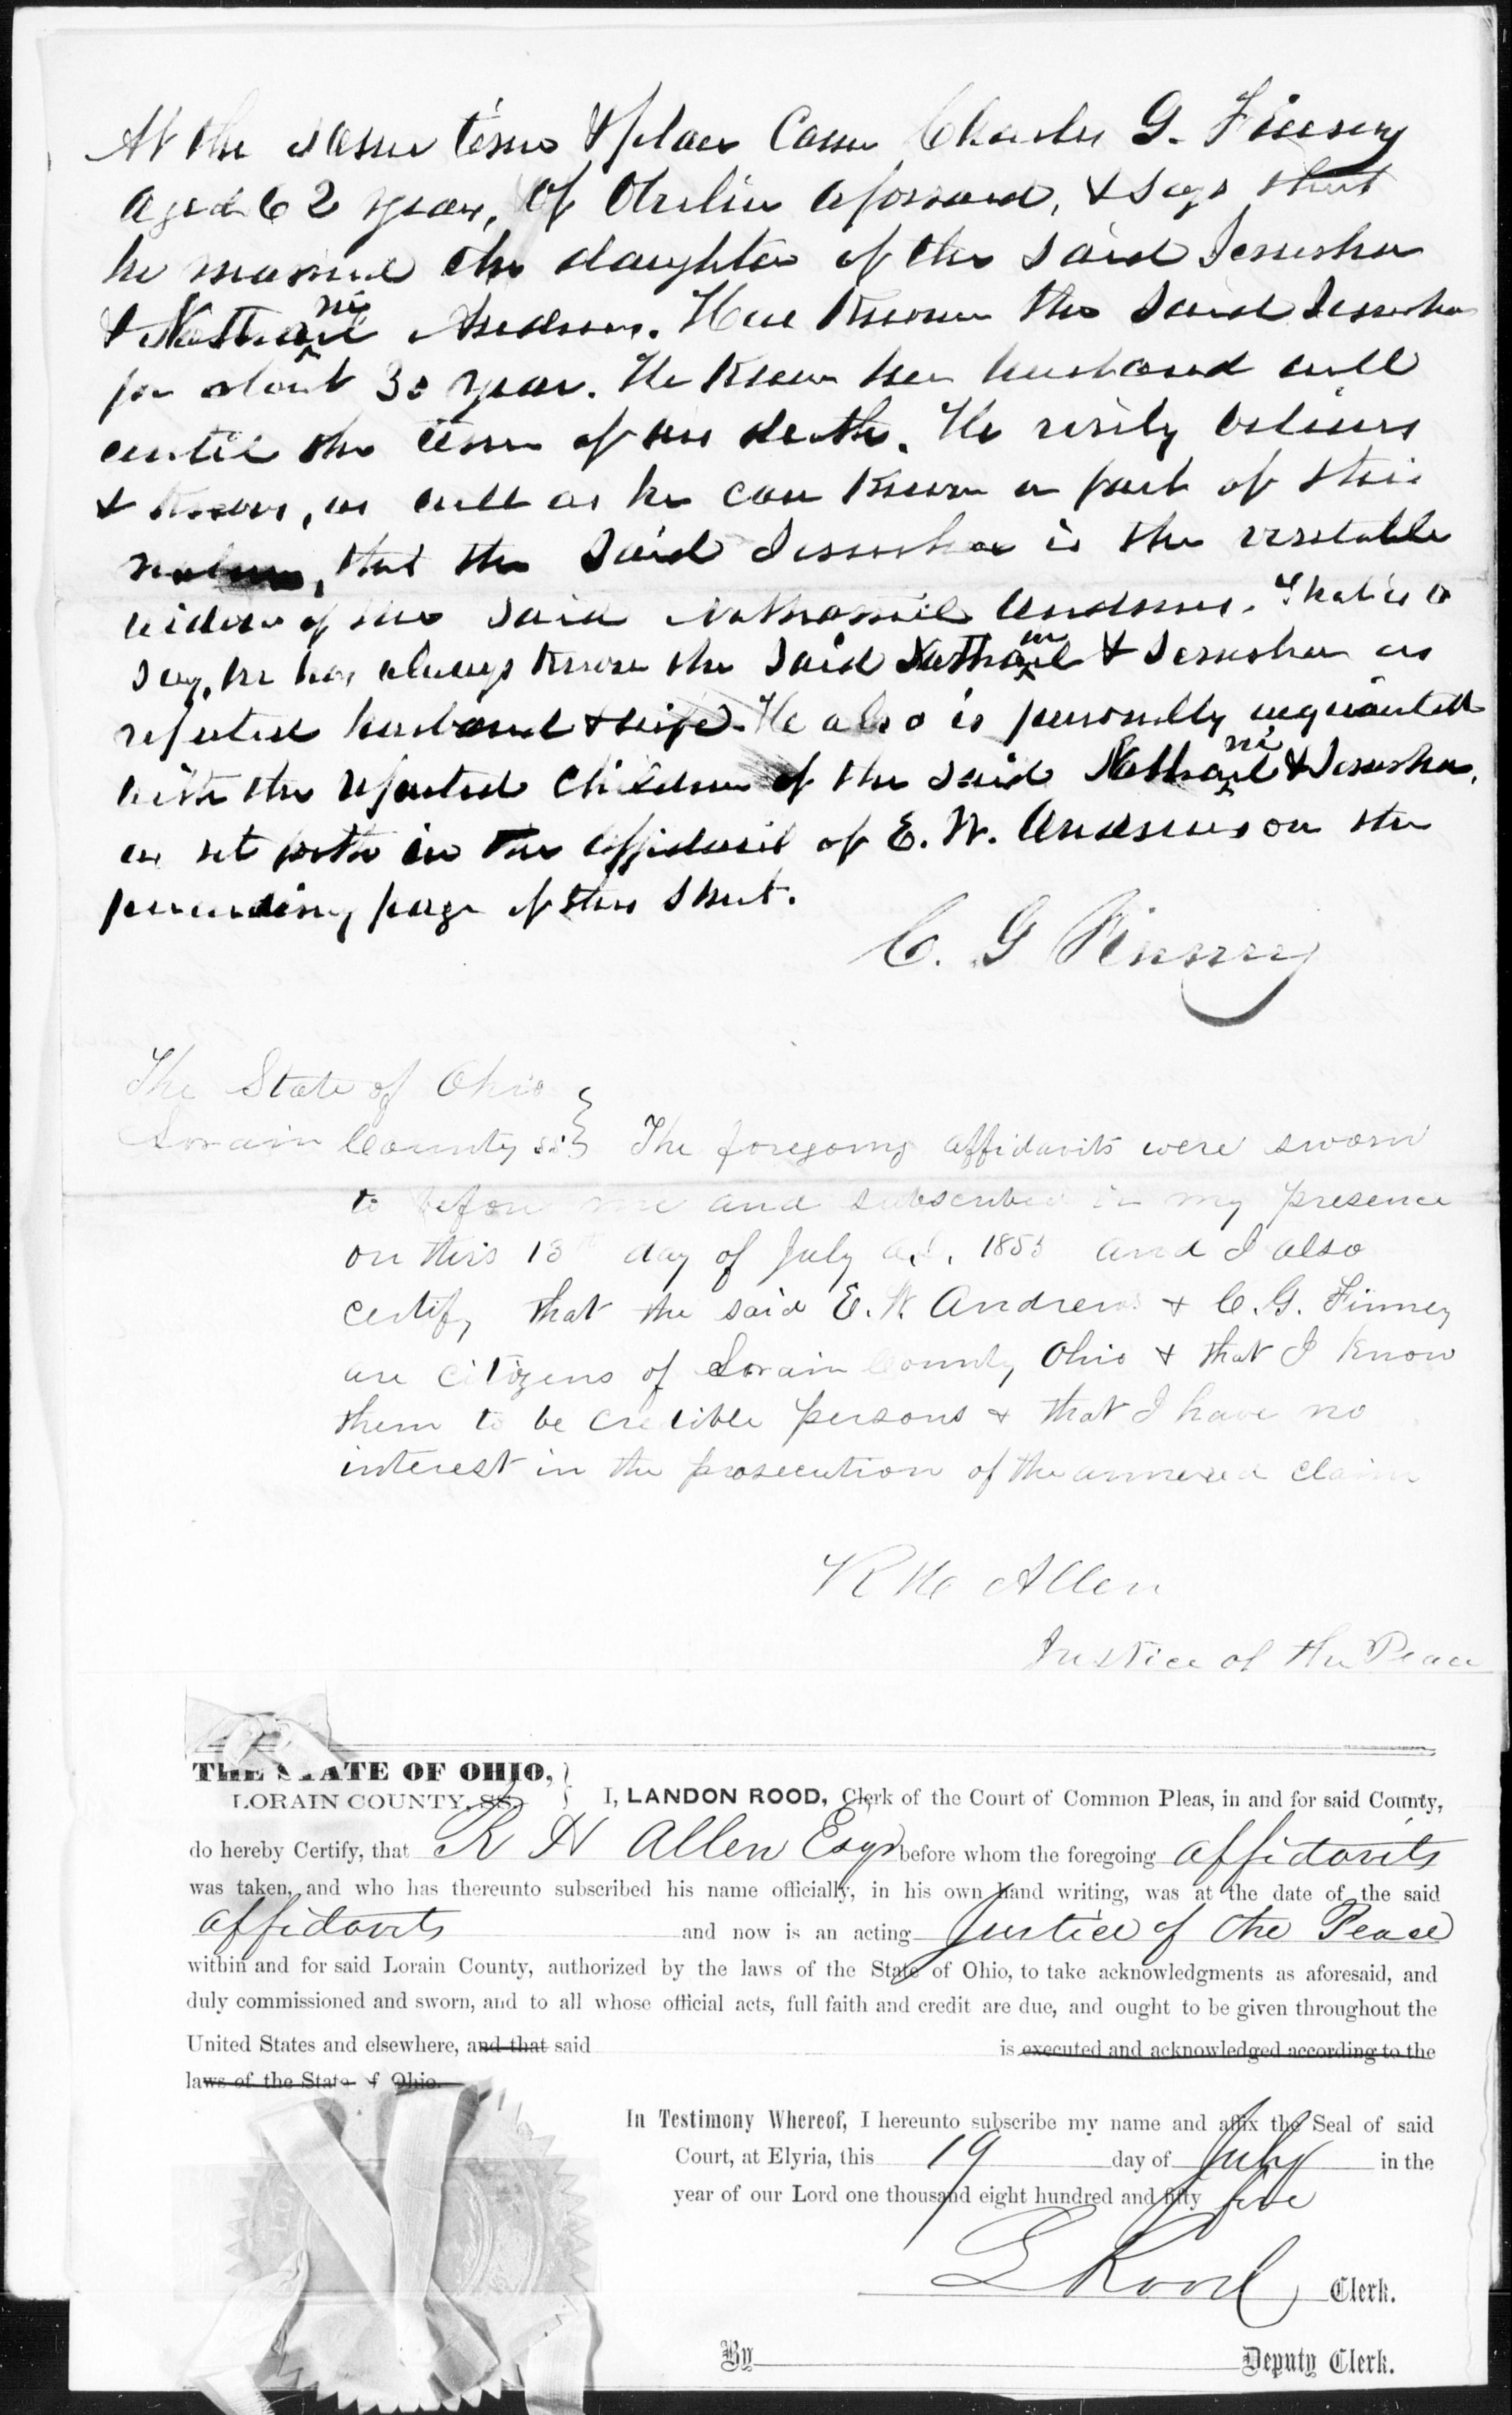At the same time & place came Charles G. Finney
aged 62 year, of Oberlin aforesaid & says that
he married the daughter of the said Jerusha
& Nathaniel Anderson. Has known the said Jerusha
for about 30 year. He knew her husband well
until the term of his death. He verily believes
& knows, as well as he can know a part of this
[illegible], that the said Jerusha is the veritable
widow of the said Nathaniel Anderson. That is to
say he has always known the said Nathanial & Jerusha as
reputed husband & wife. He also is personally acquainted
with the [illegible] children of the said Nathanial & Jerusha
[illegible] with in the affidavit of E.W. Anderson the
preceding page of this suit
C. G. Finney
The State of Ohio
Lorain County  
The foregoing affidavits were sworn
to before me and subscribed in my presence
on this 13th day of July, 1855 and I also
certify that the said E. W. Andrews & C. G. Finney
are citizens of Lorain County Ohio & that I know
them to be credible persons & that I have no
interest in the prosecution of the annexed claim
R. H. Allen
Justice of the Peace
THE STATE OF OHIO,
LORAIN COUNTY
I, LANDON ROOD, Clerk of the Court of Common Pleas, in and for said County,
do hereby Certify, that R. H. Allen Esqr before whom the foregoing affidavits
was taken, and who has thereunto subscribed his name officially, in his own hand writing, was at the date of the said
affidavits and now is an acting Justice of the Peace
within and for said Lorain County, authorized by the laws of the State of Ohio, to take acknowledgments as aforesaid, and
duly commissioned and sworn, and to all whose official acts, full faith and credit are due, and ought to be given throughout the
United States and elsewhere, said
In Testimony Whereof, I hereunto subscribe my name and affix the Seal of said
Court, at Elyria, this 19 day of July in the
year of our Lord one thousand eight hundred and fifty five
L Rood, Clerk
By Deputy Clerk.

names: L Rood, E W Andrews, Jerusha Andrus, Jerusha, Jerusha, Nathaniel Andreus, R H Allen, C G Finney, Jerusha, Jerusha, Nathaniel, Nathaniel Andrus, E W Andreus, Charles G Finney, Nathaniel, C G Finney, R H Allen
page: 37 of 78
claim: widow's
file: W. 4117, Nathaniel Bradley, Conn.